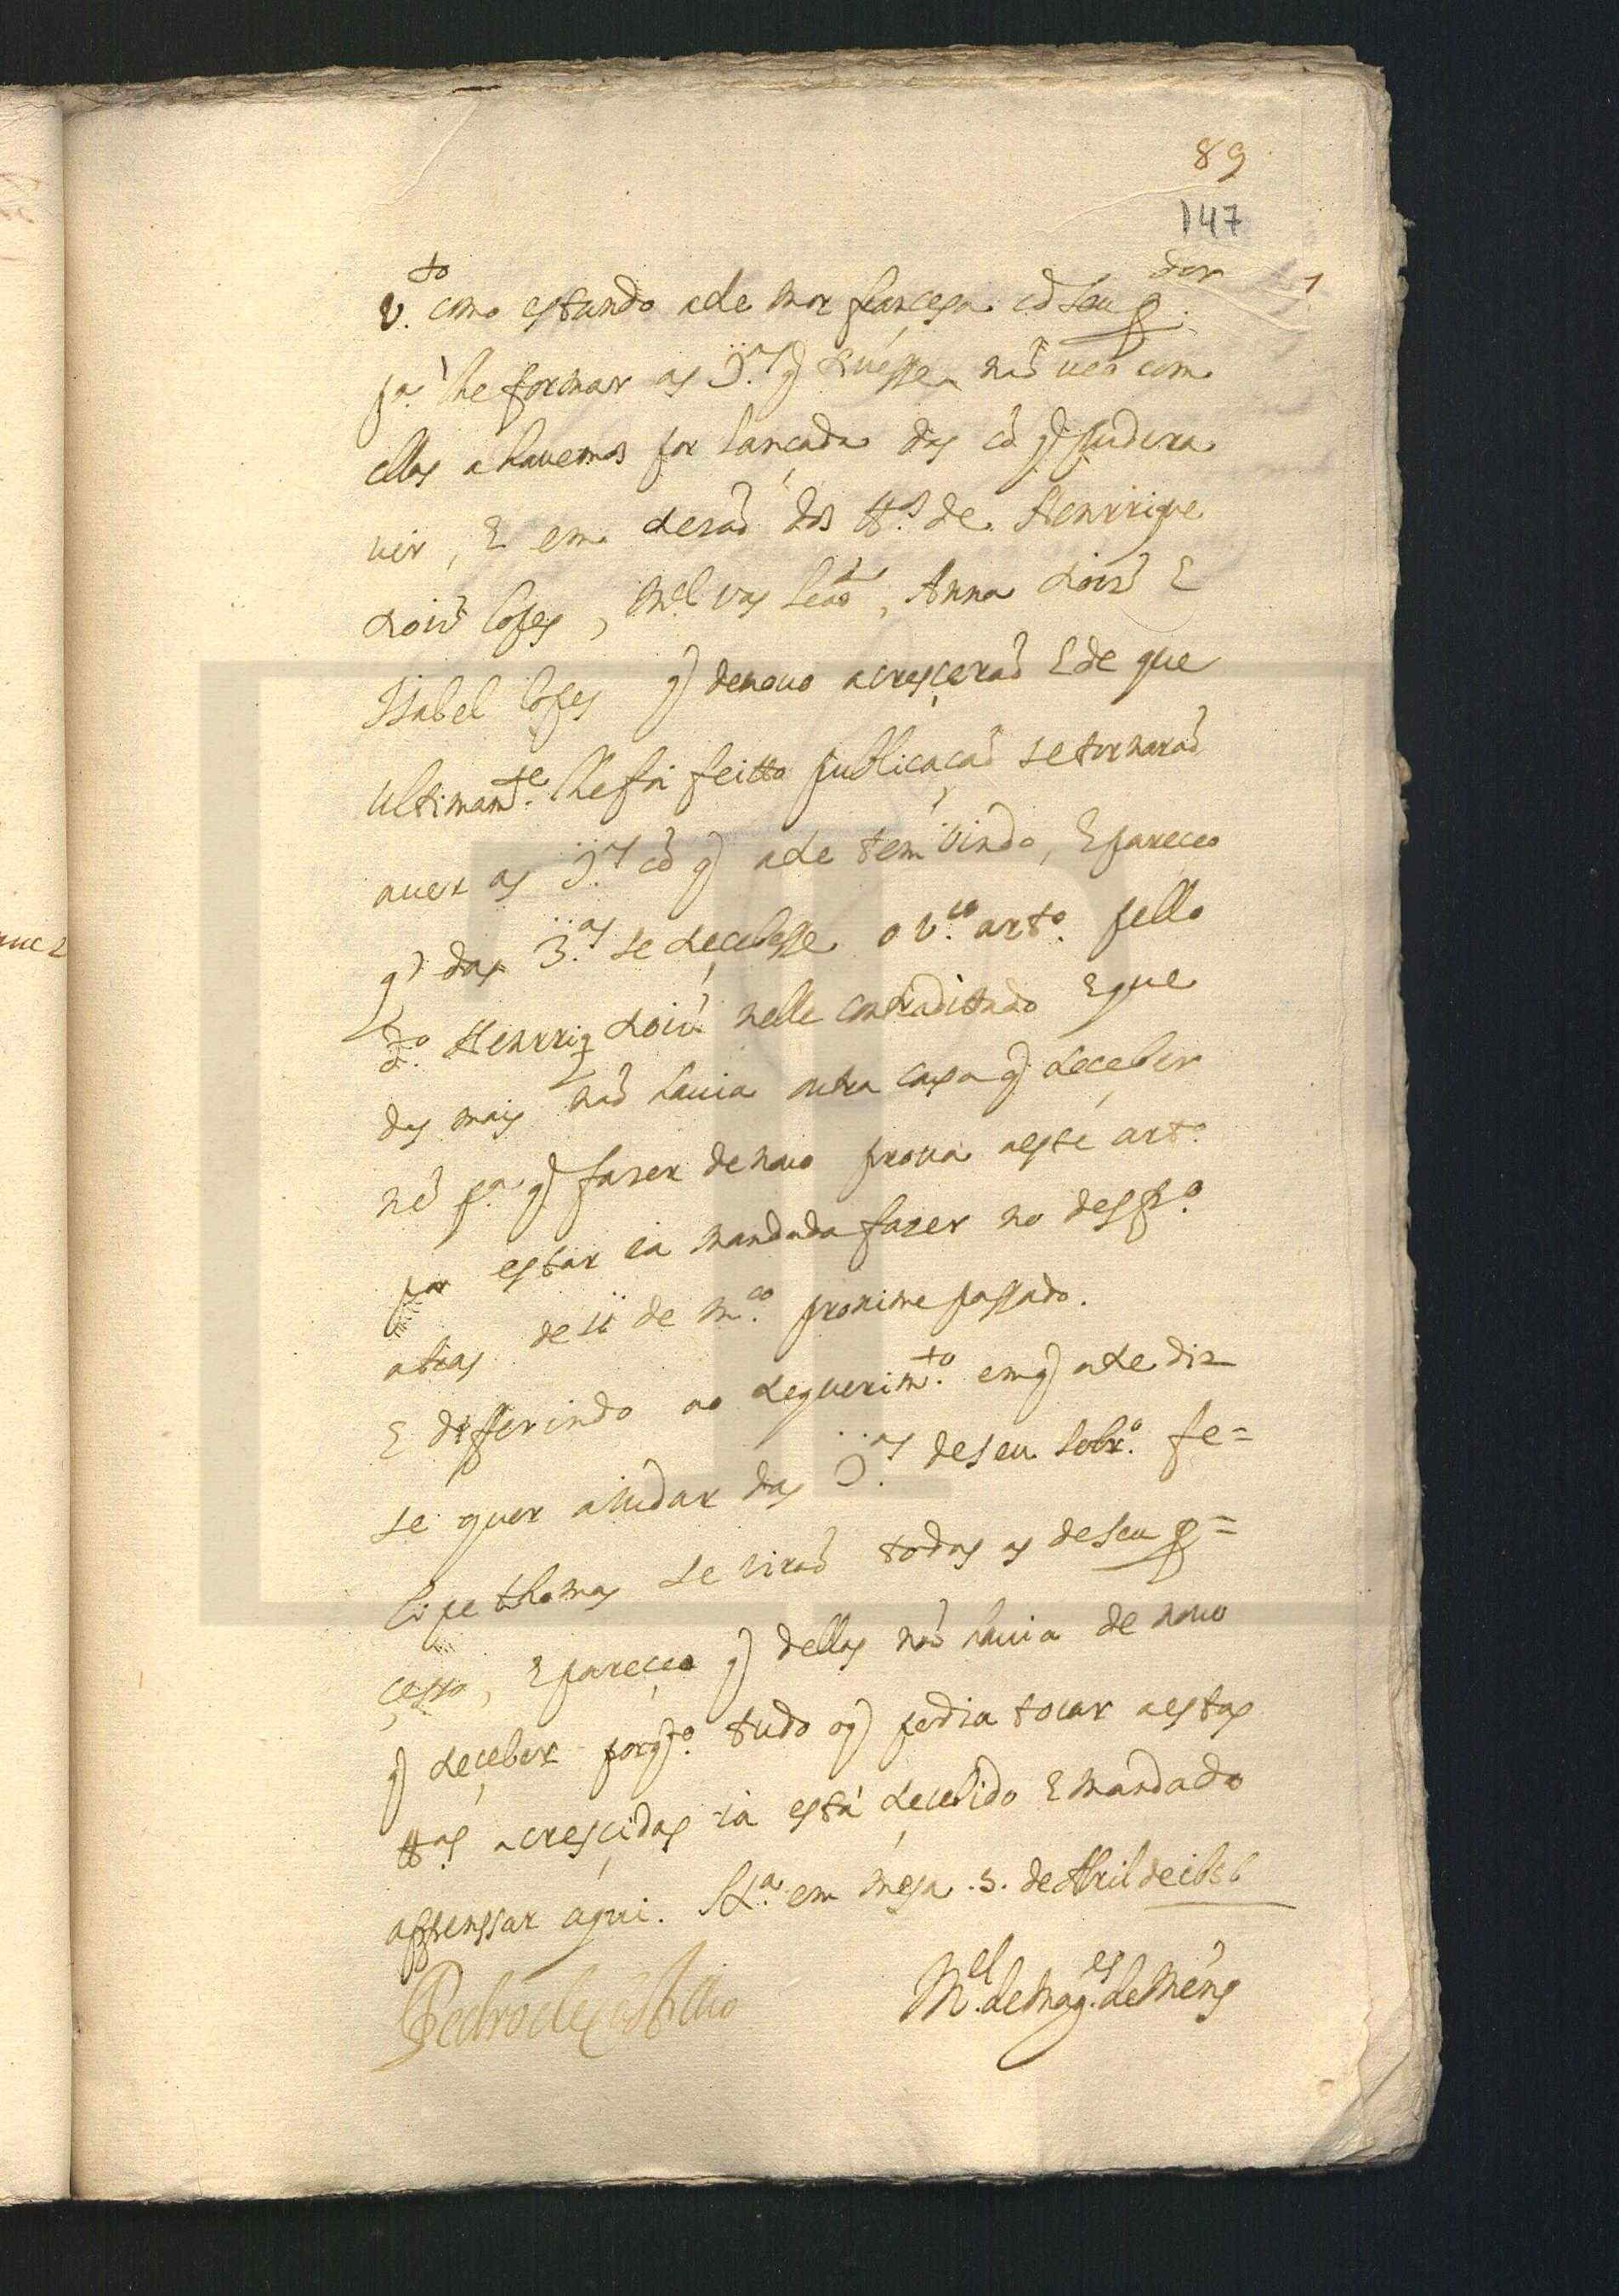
v.to como estando a de mor francesa cō seu p.dor
pa. lhe formar as ꝯ̄.as q̄ tiuesse naõ ueo com
ellas a hauemos por lançada das cō q̄ pudera
uir, E em rezaõ dos tt.os de Henrrique
Roiz̄ lopes, M.el vas Leaõ, Anna Roiz̄ E
Isabel lopes q̄ de nouo acresceraõ E de que
ultimamte. lhe foi feitto publicaçaõ se tornaraõ
a uer as ꝯ̄.as cō q̄ a re tem vindo, E pareceo
q̄ das 3.as se reçebesse o v.co arto. pello
d̄.o Henrriꝗ Roiz̄ nelle contradittado E que
das mais naõ hauia outra coisa q̄ Receber
nē p.a q̄ fazer de nouo proua a este arto.
por estar ia mandada fazer no desp.o
atras de 11 de m.co proxime passado.
E differindo ao requerim.to em q̄ a re diz
se quer aiudar das ꝯ̄.as de seu sobr.o fe
lipe thomas se viraõ todas as de seu ꝓ
cesso, E pareceo q̄ dellas naõ hauia de nouo
q̄ receber porq.to tudo o q̄ podia tocar a estas
tt.as acrescidas ia está recebido E mandado
appenssar aqui. Lx.a em mesa .5. de Abril de i656
Pedro de Castilho M.el de Mag.es de Men̄s
